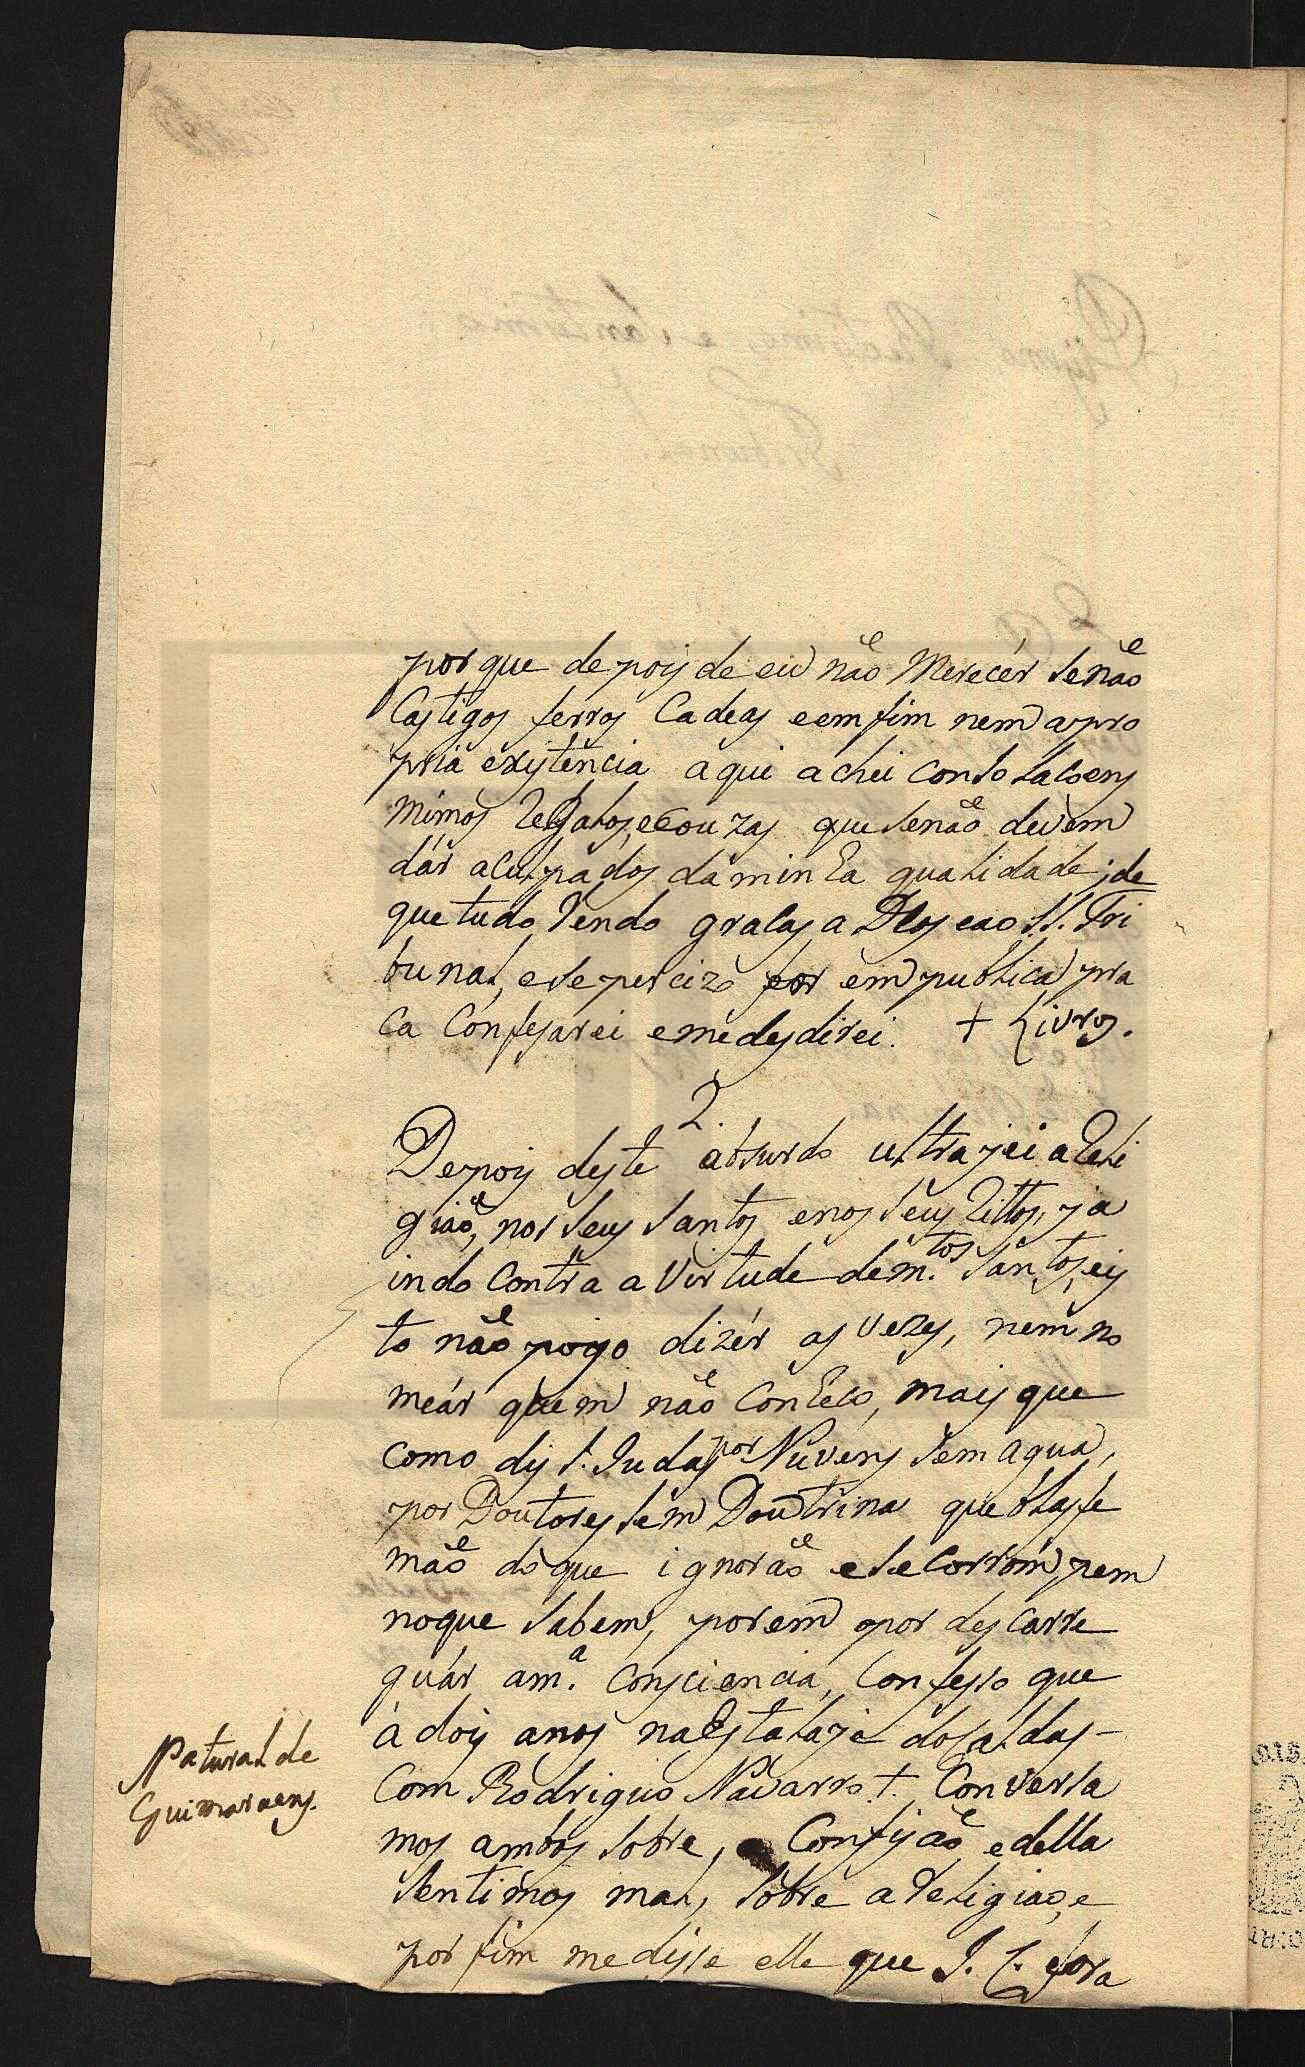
Natural de
Guimaraens.
por que depois de eu não Merecér se não
Castigos ferros Cadeas e emfim nem a pro
pria existencia aqui achei consoLacoens
mimos Regalos, e couzas que senão devem
dár a culpados da minha qualidade; de
que tudo rendo graCas a Deos e ao SS. Tri
bunal, e se percizo for em pubLica pra
Ca Confesarei e me desdirei. + Livros.
2.
Depois deste absurdo ultrajei a ReLi
giaõ, nos seus Santos e nos seus Rittos, ja
indo Contra a Virtude de m.tos santos, e is
to não poso dizér as vezes, nem no
meár quem naõ Conheco, mais que
como dis S. Iudas por Nuvens sem agua,
por Doutores Sem Doutrina que o bLasfe
maõ do que ignoraõ e se corrompem
no que sabem, porem o por descarre
guár a m.a consciencia, Confesso que
á dois anos na Estalaje do Caldas
Com Rodriguo Navarro + Conversa
mos ambos sobre _ Cofisaõ e della
sentimos maL, sobre a religiaõ, e
por fim me disse elle que I. C. e fora
